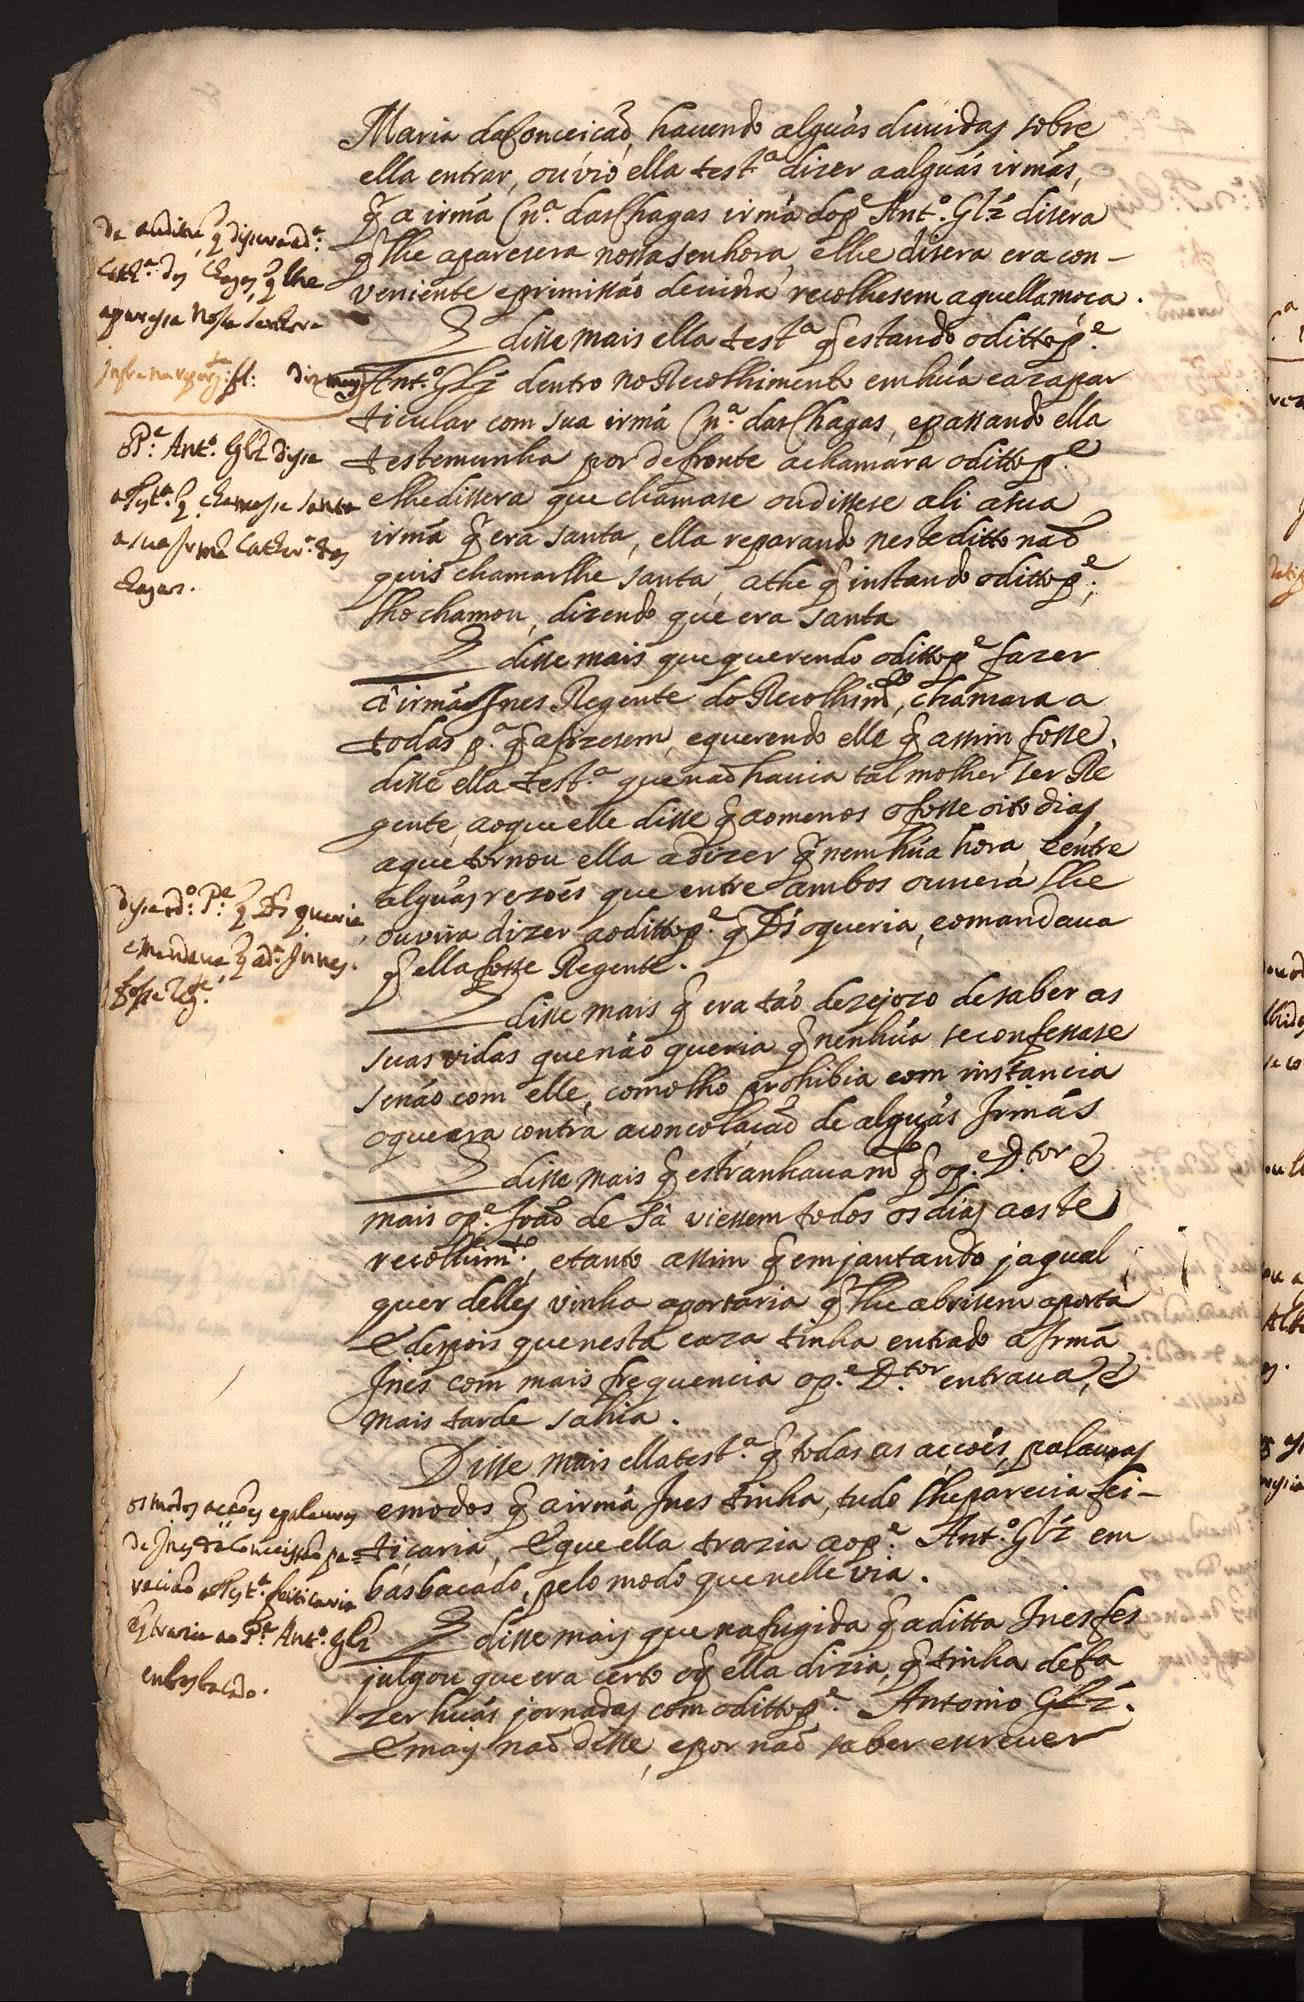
Maria da Conceição, hauendo alguās duuidas sobre
ella entrar, ouvio ella testa dizer a alguas̄ irmās,
q̄ a irmā Cn.a das Chagas irmā do pe Ant.o Gl.z̄ disera
q̄ lhe aparesera nossa senhora, e lhe disera era con
veniente e primissaõ deuina recolhesem aquella moça
E disse mais ella testa q̄ estando o ditto p.e
jnfra na reperg.ta fl. diz maes
Ant.o Glz̄ dentro no Recolhimento em huā caza par
ticular com sua irmā Cn.a das Chagas, e passando ella
testemunha por defronte a chamara o ditto p.e
e lhe dissera que chamase ou dissesse ali a sua
irmā q̄ era santa, ella reparando neste ditto naõ
quis chamarlhe santa, athe q̄ instando o ditto p.e
lho chamou, dizendo que era santa
E disse mais que querendo o ditto pe fazer
â irmā Jnes Regente do Recolhimto, chamara a
todas p.a q̄ a fizesem, e querendo elle q̄ assim fosse
disse ella test.a que naõ hauia tal molher ser Re
gente, ao que elle disse q̄ ao menos o fosse oito dias,
a que tornou ella a dizer q̄ nem hūa hora, e entre
alguās rezoẽs que entre ambos ouuera lhe
ouvira dizer ao ditto p.e q̄ Ds̄ o queria, e o mandaua
q̄ ella fosse Regente.
E disse mais q̄ era tão dezejozo de saber as
suas vidas que naõ queria q̄ nenhuā se confessase
senaõ com elle, como lho prohibia com instancia
o que era contra a conçolaçaõ de alguās Jrmās
E disse mais q̄ estranhaua mto q̄ o p.e D.tor e
mais o p.e Joaõ de Sá viessem todos os dias a este
recolhim.to, e tanto assim q̄ em jantando ja qual
quer delles vinha a portaria q̄ lhe abrisem a porta
E despois que nesta caza tinha entrado a Jrmā
Jnes com mais frequencia o p.e D.or entraua, e
mais tarde sahia.
Disse mais ella test.a q̄ todas as acçoẽs, palauras
e modos q̄ a irmā Jnes tinha, tudo lhe parecia fei
tiçaria, E que ella trazia ao pe Ant.o Glz̄ em
basbacado, pelo modo que nelle via.
E disse mais que na fugida q̄ a ditta Jnes fes
julgou que era certo o q̄ ella dizia, q̄ tinha de fa
zer huās jornadas com o ditto p.e Antonio Glz̄.
E mais naõ disse, e por naõ saber escreuer
de audita, q̄ dissera a d.a
Cath.a das Chagas, q̄ lhe
aparesia Nossa Senhora
o P.e Ant.o Glz̄ disia
a Test.a q̄ chamasse santa
a sua Jrmā Cather.a das
chagas.
disse o d.o P.e q̄ Ds̄ queria
e mandaua q̄ a d.a Jnnes
fosse Reg.te
os modos acções e palauras
de Jnes da Conceissaõ pa
reciaõ a Test.a feitiçaria
e q̄ trazia ao P.e Ant.o Glz̄
enbasbacado.
